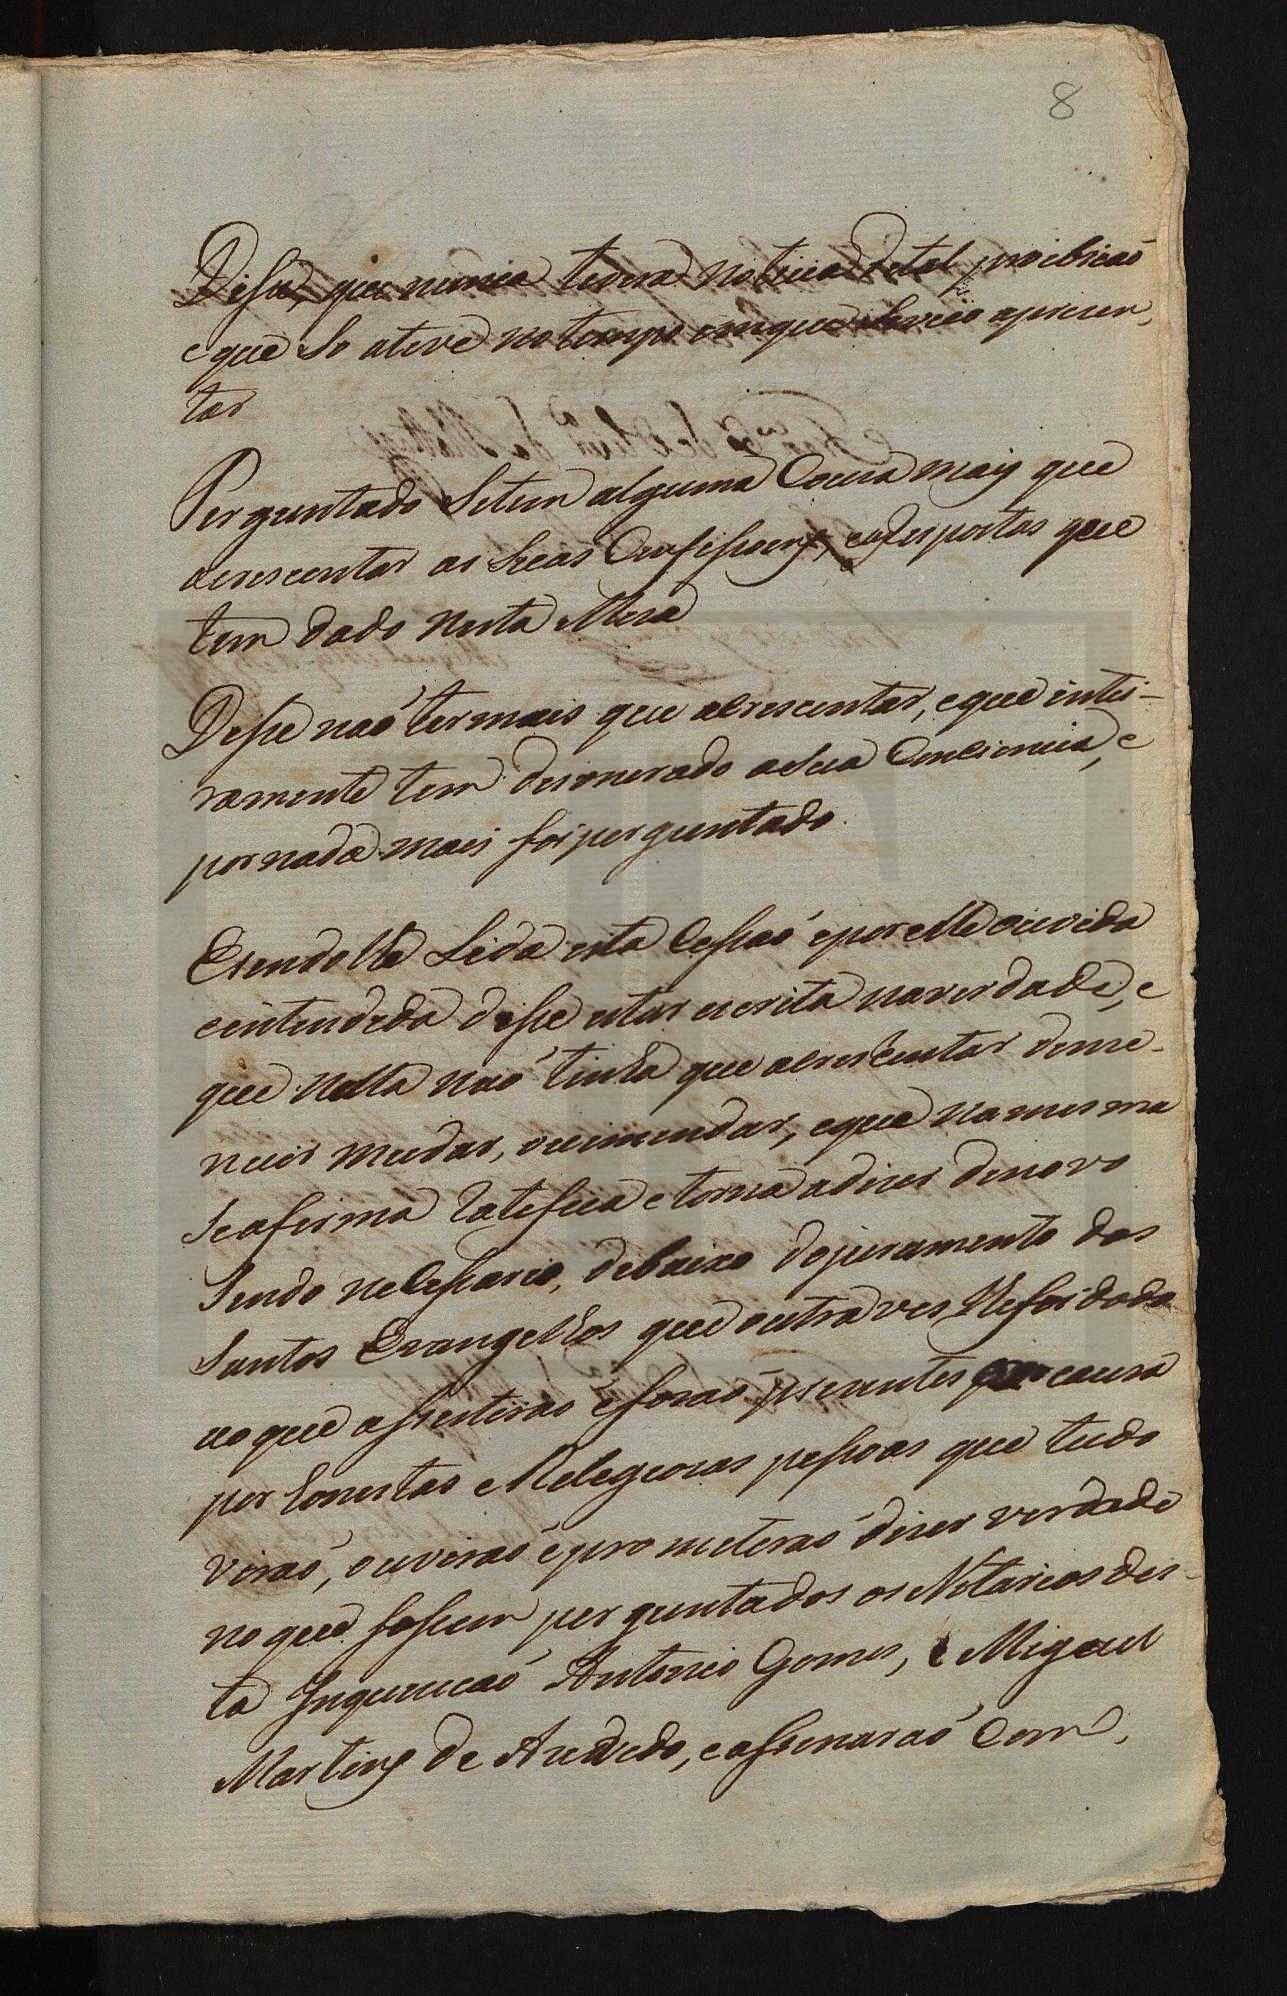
Disse que nunca tevera noticia de tal proibicaõ
e que So a teve no tempo em que se veio aprezen
tar
Perguntado Se tem alguma couza mais que
acrescentar as Suas Confissoens, e a respostas que
tem dado nesta Meza
Disse naõ ter mais que acrescentar, e que intei
ramente tem desonerado a sua conciencia, e
por nada mais foi perguntado.
E sendolhe Lida esta Cessaõ e por elle ouvida
e entendida disse estar escrita na verdade, e
que nella naõ tinha que acrescentar deme
nuir mudar, ou emendar, e que na mesma
se afirma Ratefica e torna a dizer de novo
sendo necessario, debaixo do juramento dos
Santos Evangelhos que outra ves lhe foi dado
ao que assestiraõ e foraõ prezentes p_r cauza
per honestas e Relegiozas pessoas que tudo
viraõ, ouviraõ e prometeraõ dizer verdade
no que fossem perguntados os Notarios des
ta Jnquisicaõ Antonio Gomes, e Miguel
Martins de Azevedo, e assinaraõ com
